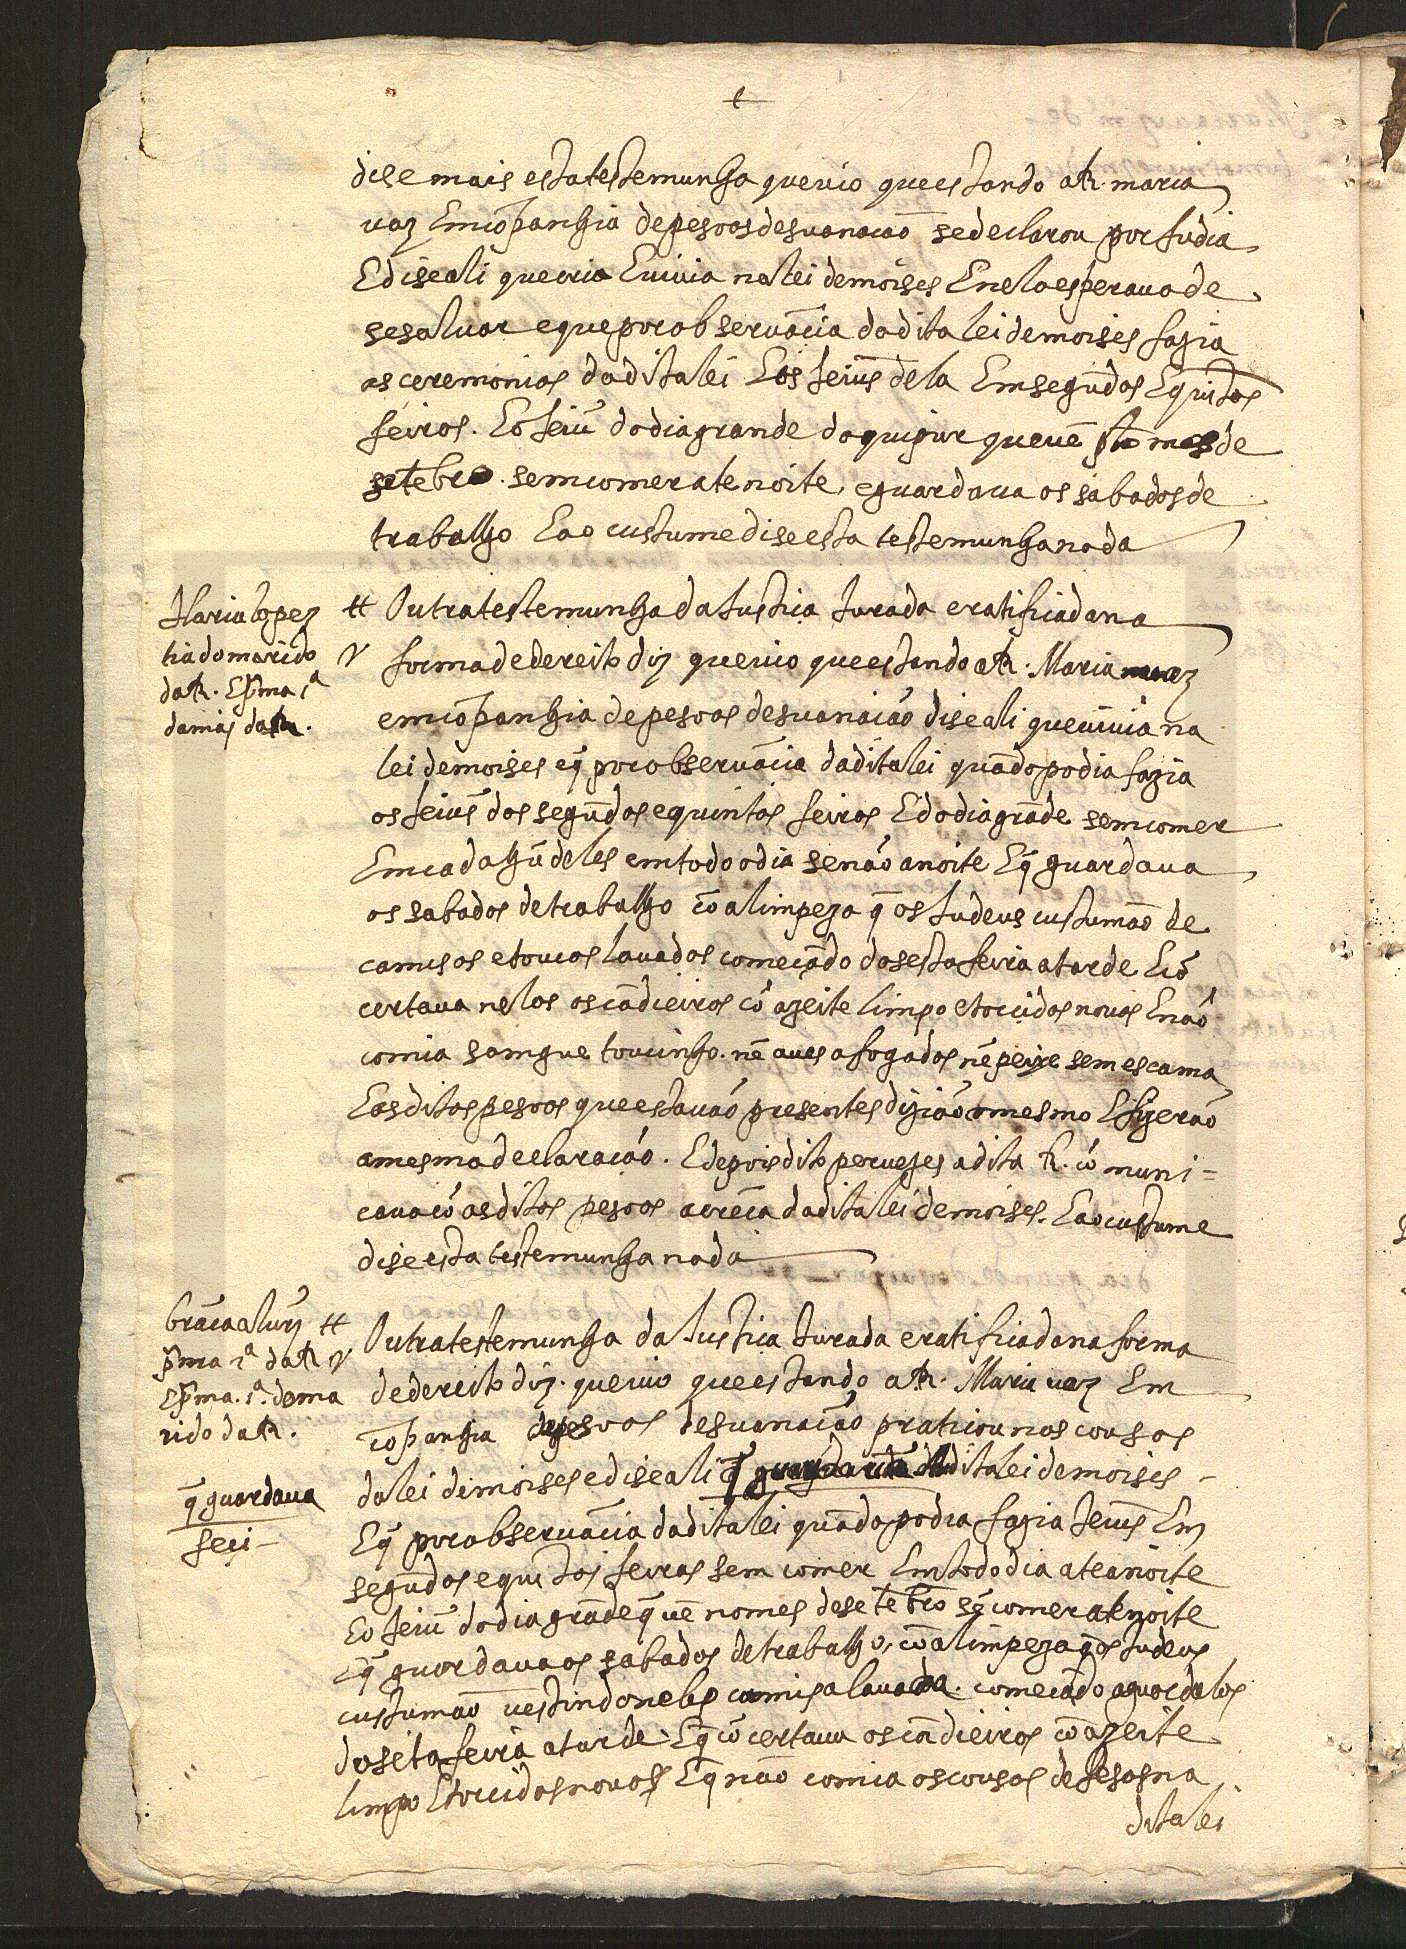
dice mais esta testemunha que uio que estando a R. maria
uaz Em cōpanhia de pesoas de sua nacaõ se declarou por Iudia
E dise ali que cria E uiuia na lei de moises E nela esperaua de
se saluar e que por obseruācia da dita lei de moises fazia
as ceremonias da dita lei E os Ieiūs dela Em segūdas E q̄uitas
feiras. E o Ieiū do dia grande do quipur que uē pl̄o mes de
setēbro. sem comer ate noite e guardaua os sabados de
trabalho E ao custume dise esta testemunha nada
item Outra testemunha da Iustica Iurada e ratificada na
forma de dereito diz que uio que estando a R. Maria uaz
em cōpanhia de pesoas de sua nacaõ dise ali que uiuia na
lei de moises e q̄ por obseruāçia da dita lei quādo podia fazia
os Ieius̄ das segūdas e quintas feiras E do dia grāde sem comer
Em cada hū deles em todo o dia senaõ a noite E q̄ guardaua
os sabados de trabalho cō a limpeza q̄ os Iudeus custumão de
camisas e toucas lauadas começādo da sesta feira a tarde E cō
certaua nelas os cādieiros cō azeite limpo e torçidas nouas E naõ
comia samgue toucinho. nē aues afogadas nē peixe sem escama
E as ditas pesoas que estauaõ presentes diziaõ o mesmo E fizeraõ
a mesma declaraçaõ. E depois dito por ueses a dita R. cōmuni
caua cō as ditas pesoas a crēça da dita lei de moises. E ao custume
dise esta testemunha nada
item Outra testemunha da Iustica Iurada e ratificada na forma
de dereito diz. que uio que estando a R. Maria uaz Em
c̄opanhia de pesoas de sua naçaõ praticou nas cousas
da lei de moises e dise ali q̄ guardauā A dita lei de moises
E q̄ por obseruāçia da dita lei quādo podia fazia Ieiūs Em
segūdas e quītas feiras sem comer Em todo dia ate a noite
E o Ieiū do dia grāde q̄ uē no mes de setēbro sē comer ate noite
E q̄ guardaua os sabados de trabalho, cō a limpeza q̄ os Iudeus
custumaõ uestindo neles camisa lauada. começādo a guardalos
de seta feira a tarde. E q̄ cōcertaua os cādieiros c̄o azeite
limpo E torcidas nouas E q̄ não comia as cousas defesas na
dita lei
Maria lopez
tia do marido
da R. E p̄ma 1a
da maj da R.
brāca alur̄z
p̄ma 2a da R
E p̄ma. 1a. do mar
rido da R.
q̄ guardaua
feçi
